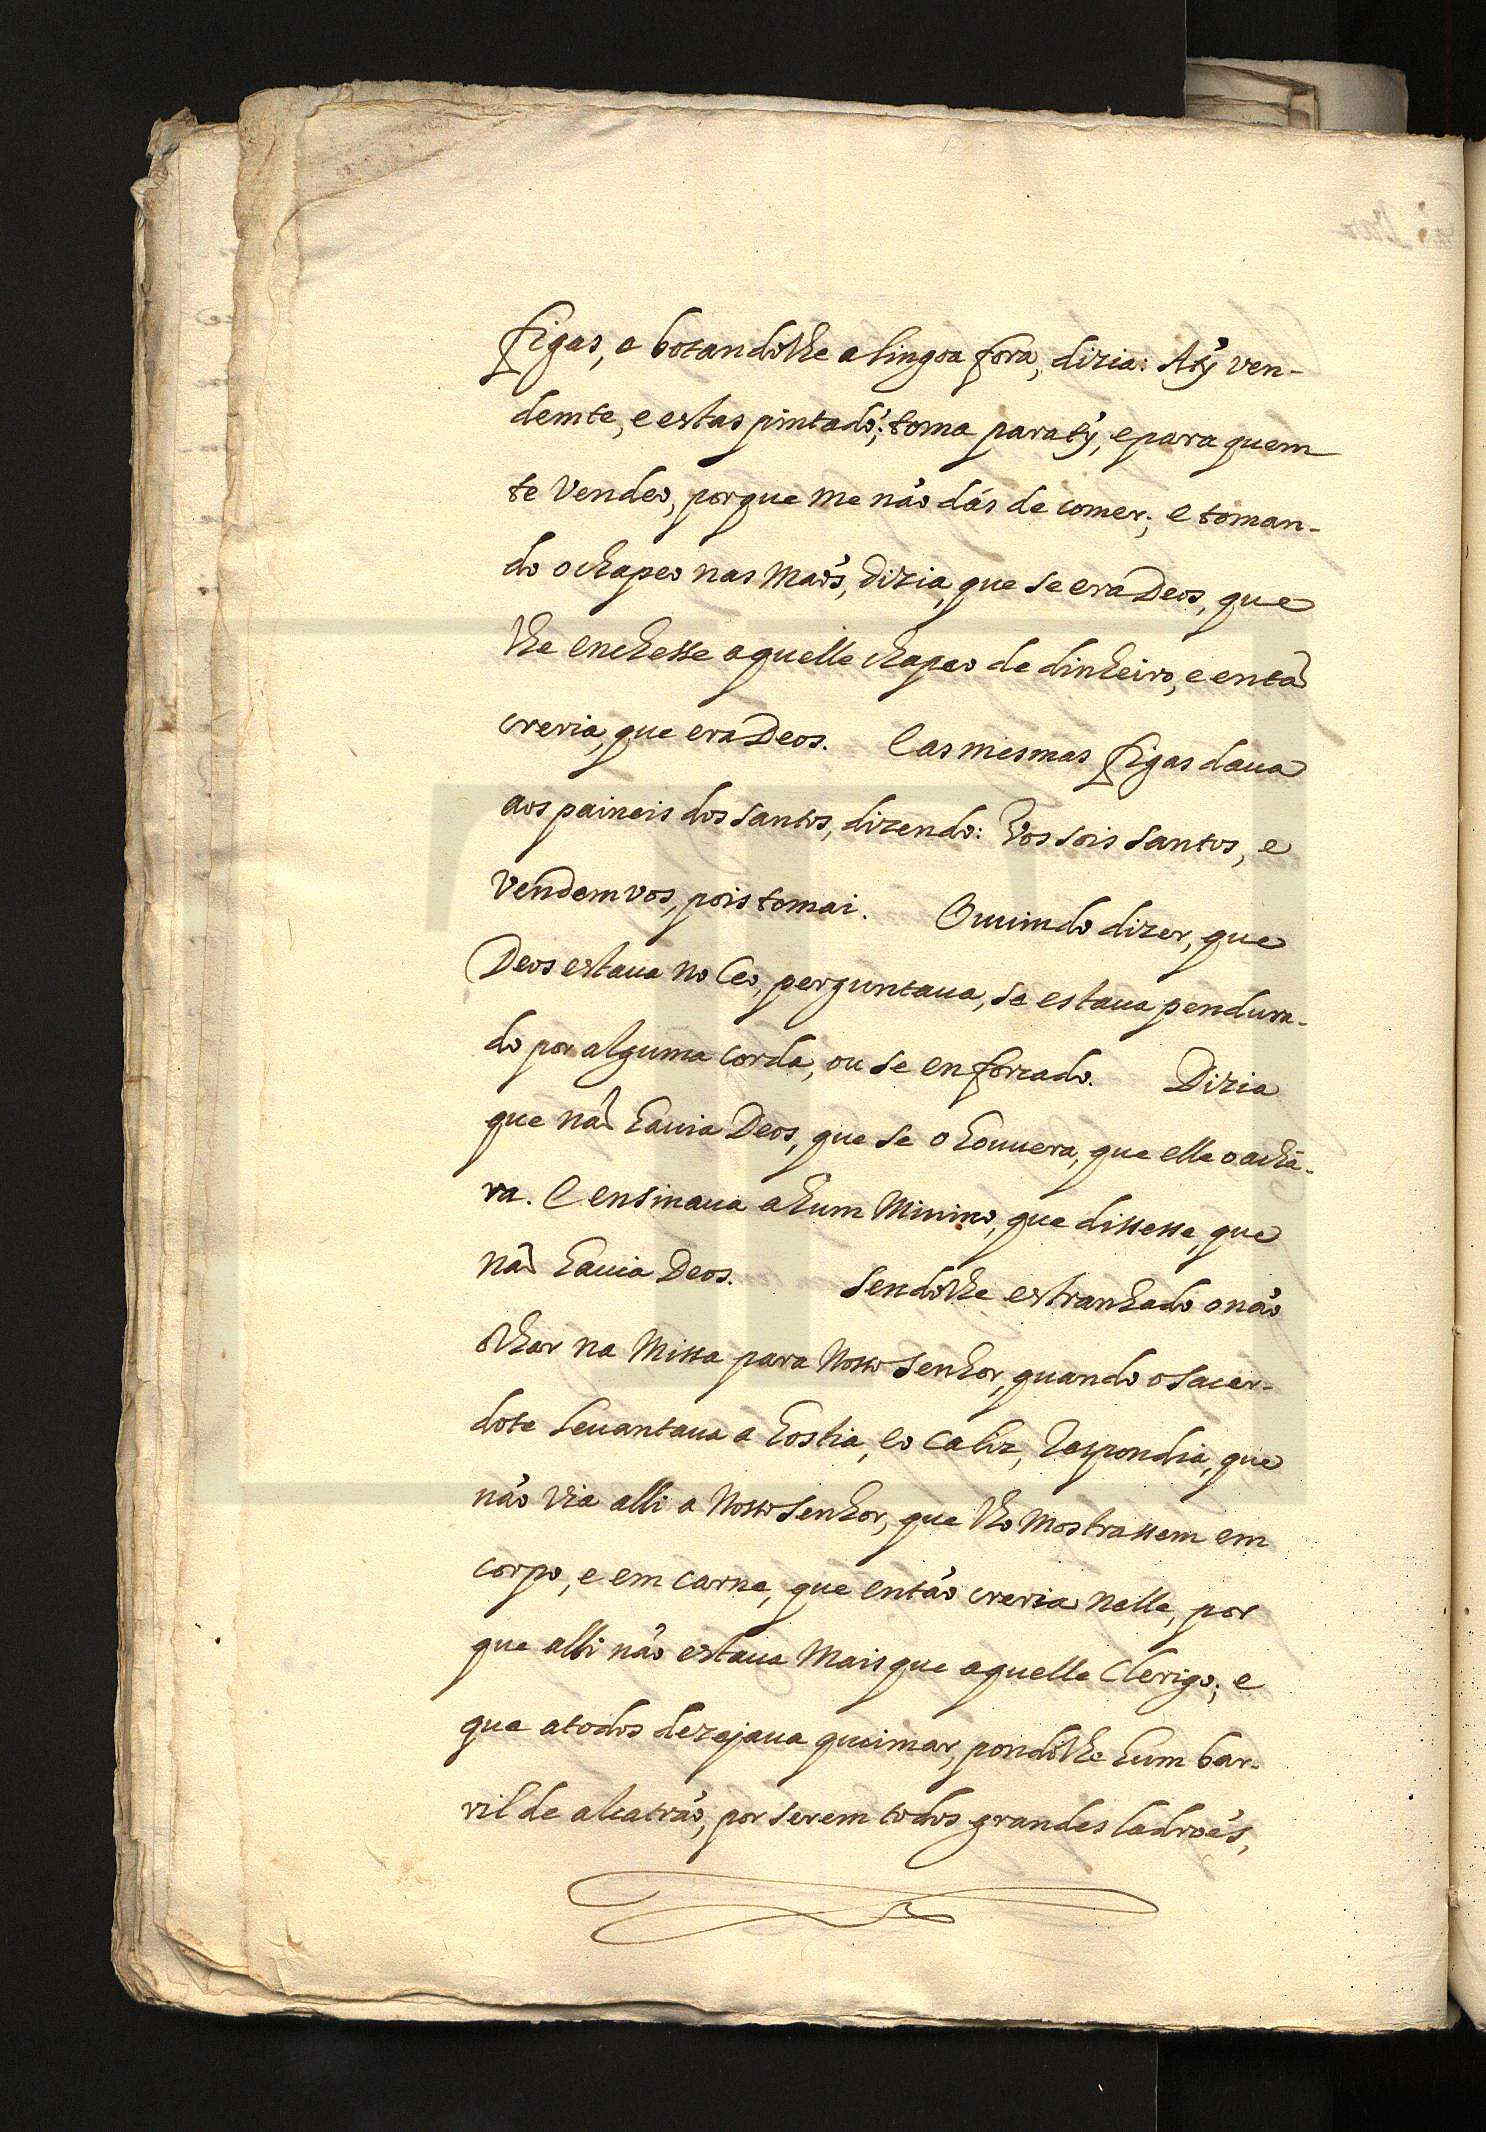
figas, e botandolhe a lingoa fora, dizia. A ty ven
demte, e estas pintado, toma para ty, e para quem
te vendeo, porque me não dás de comer, e toman
do o chapeo nas maõs, dizia, que se era Deos, que
lhe enchesse aquelle chapeo de dinheiro, e entaõ
creria, que era Deos. E as mesmas figas daua
aos paineis dos santos, dizendo: Vos sois santos, e
vendem vos, pois tomai. Ouuindo dizer, que
Deos estaua no Ceo, perguntaua, se estaua pendura
do por alguma corda, ou se enforcado. Dizia
que não hauia Deos, que se o houuera, que elle o achá
ra. E ensinaua a hum minino, que dissesse, que
não hauia Deos.
sendolhe estranhado o naõ
olhar na Missa para nosso senhor, quando o sacer
dote leuantaua a hostia, e o caliz, Respondia, que
naõ via alli a nosso senhor, que lho mostrassem em
corpo, e em carne, que entaõ creria nelle, por
que alli não estaua mais que aquelle clerigo; e
que a todos dezejaua queimar, pondolhe hum bar
ril de alcatraõ, por serem todos grandes ladroẽs,
